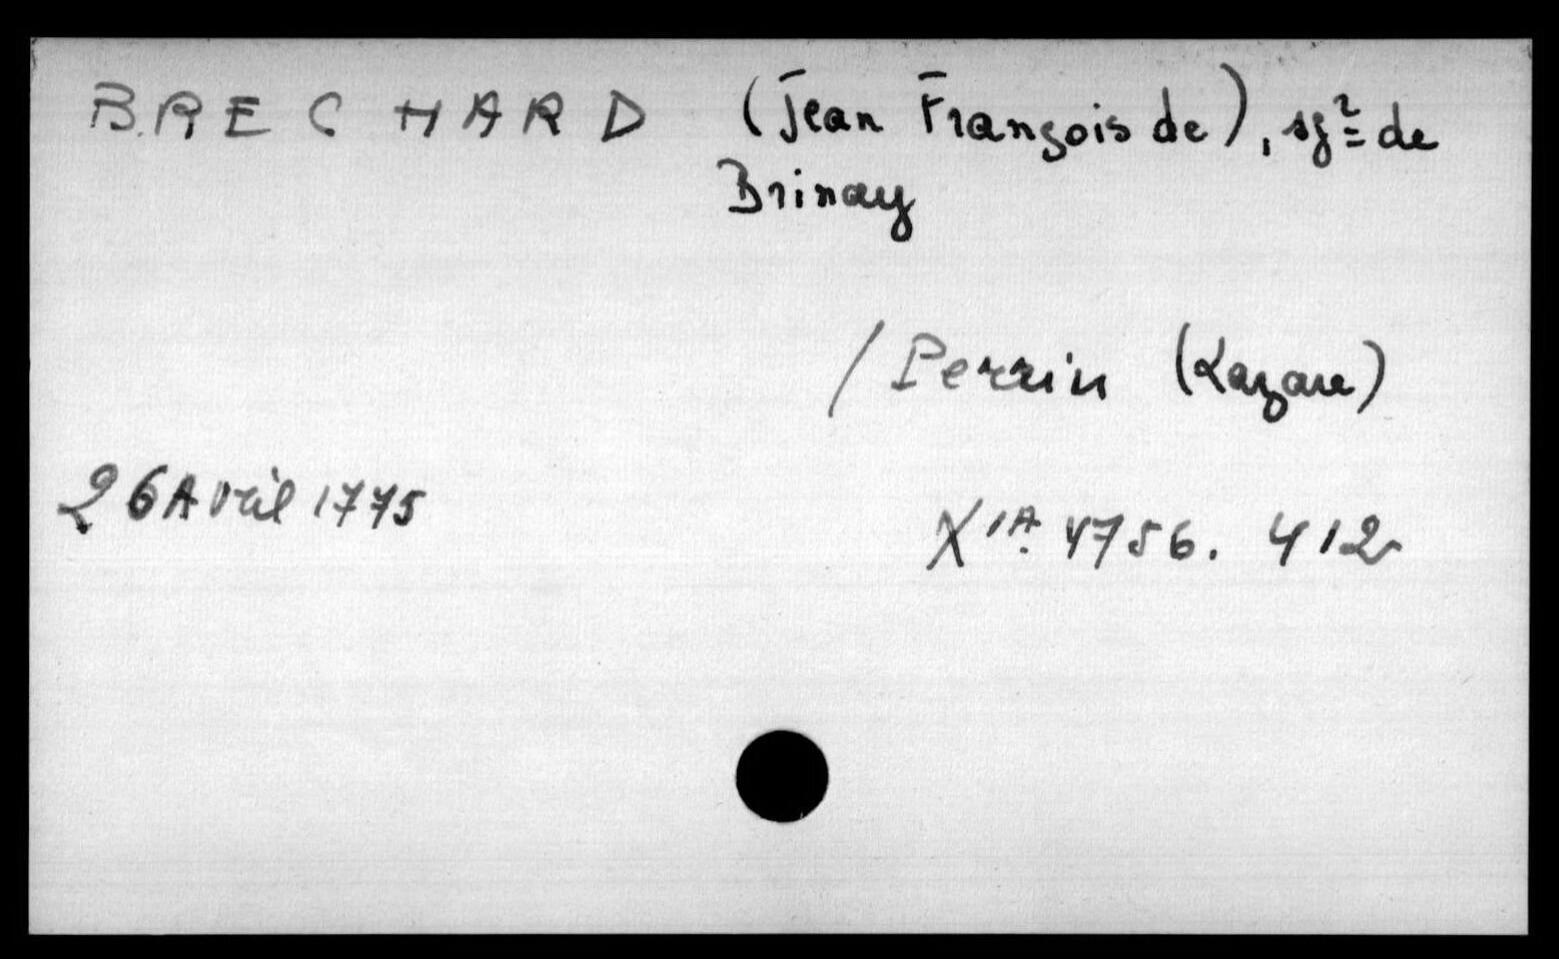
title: BRECHARD (Jean François de), seigneur de Brinay
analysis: Contre Perrin (Larare)
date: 26 avril 1775
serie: X1A
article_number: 4756
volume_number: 412
